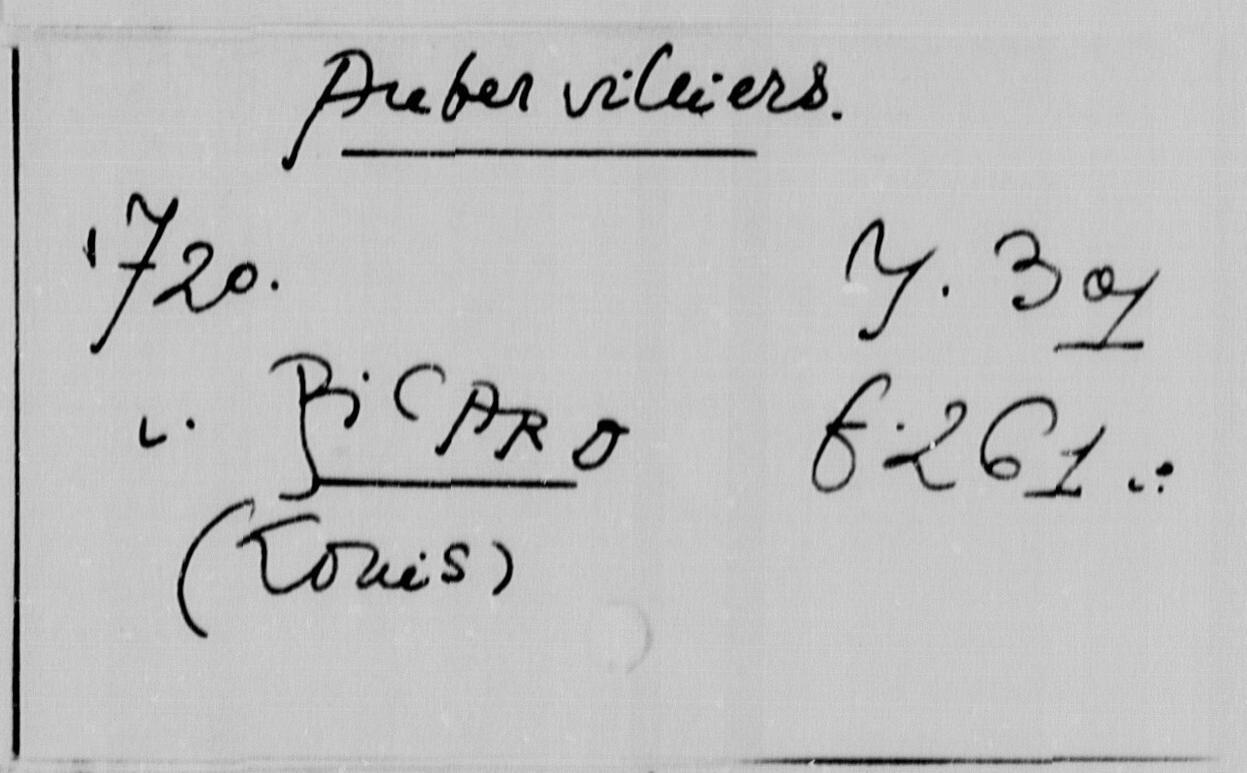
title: AUBERVILLIERS
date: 1720
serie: Y
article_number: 301
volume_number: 261v
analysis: Voir PICARD (Louis)
